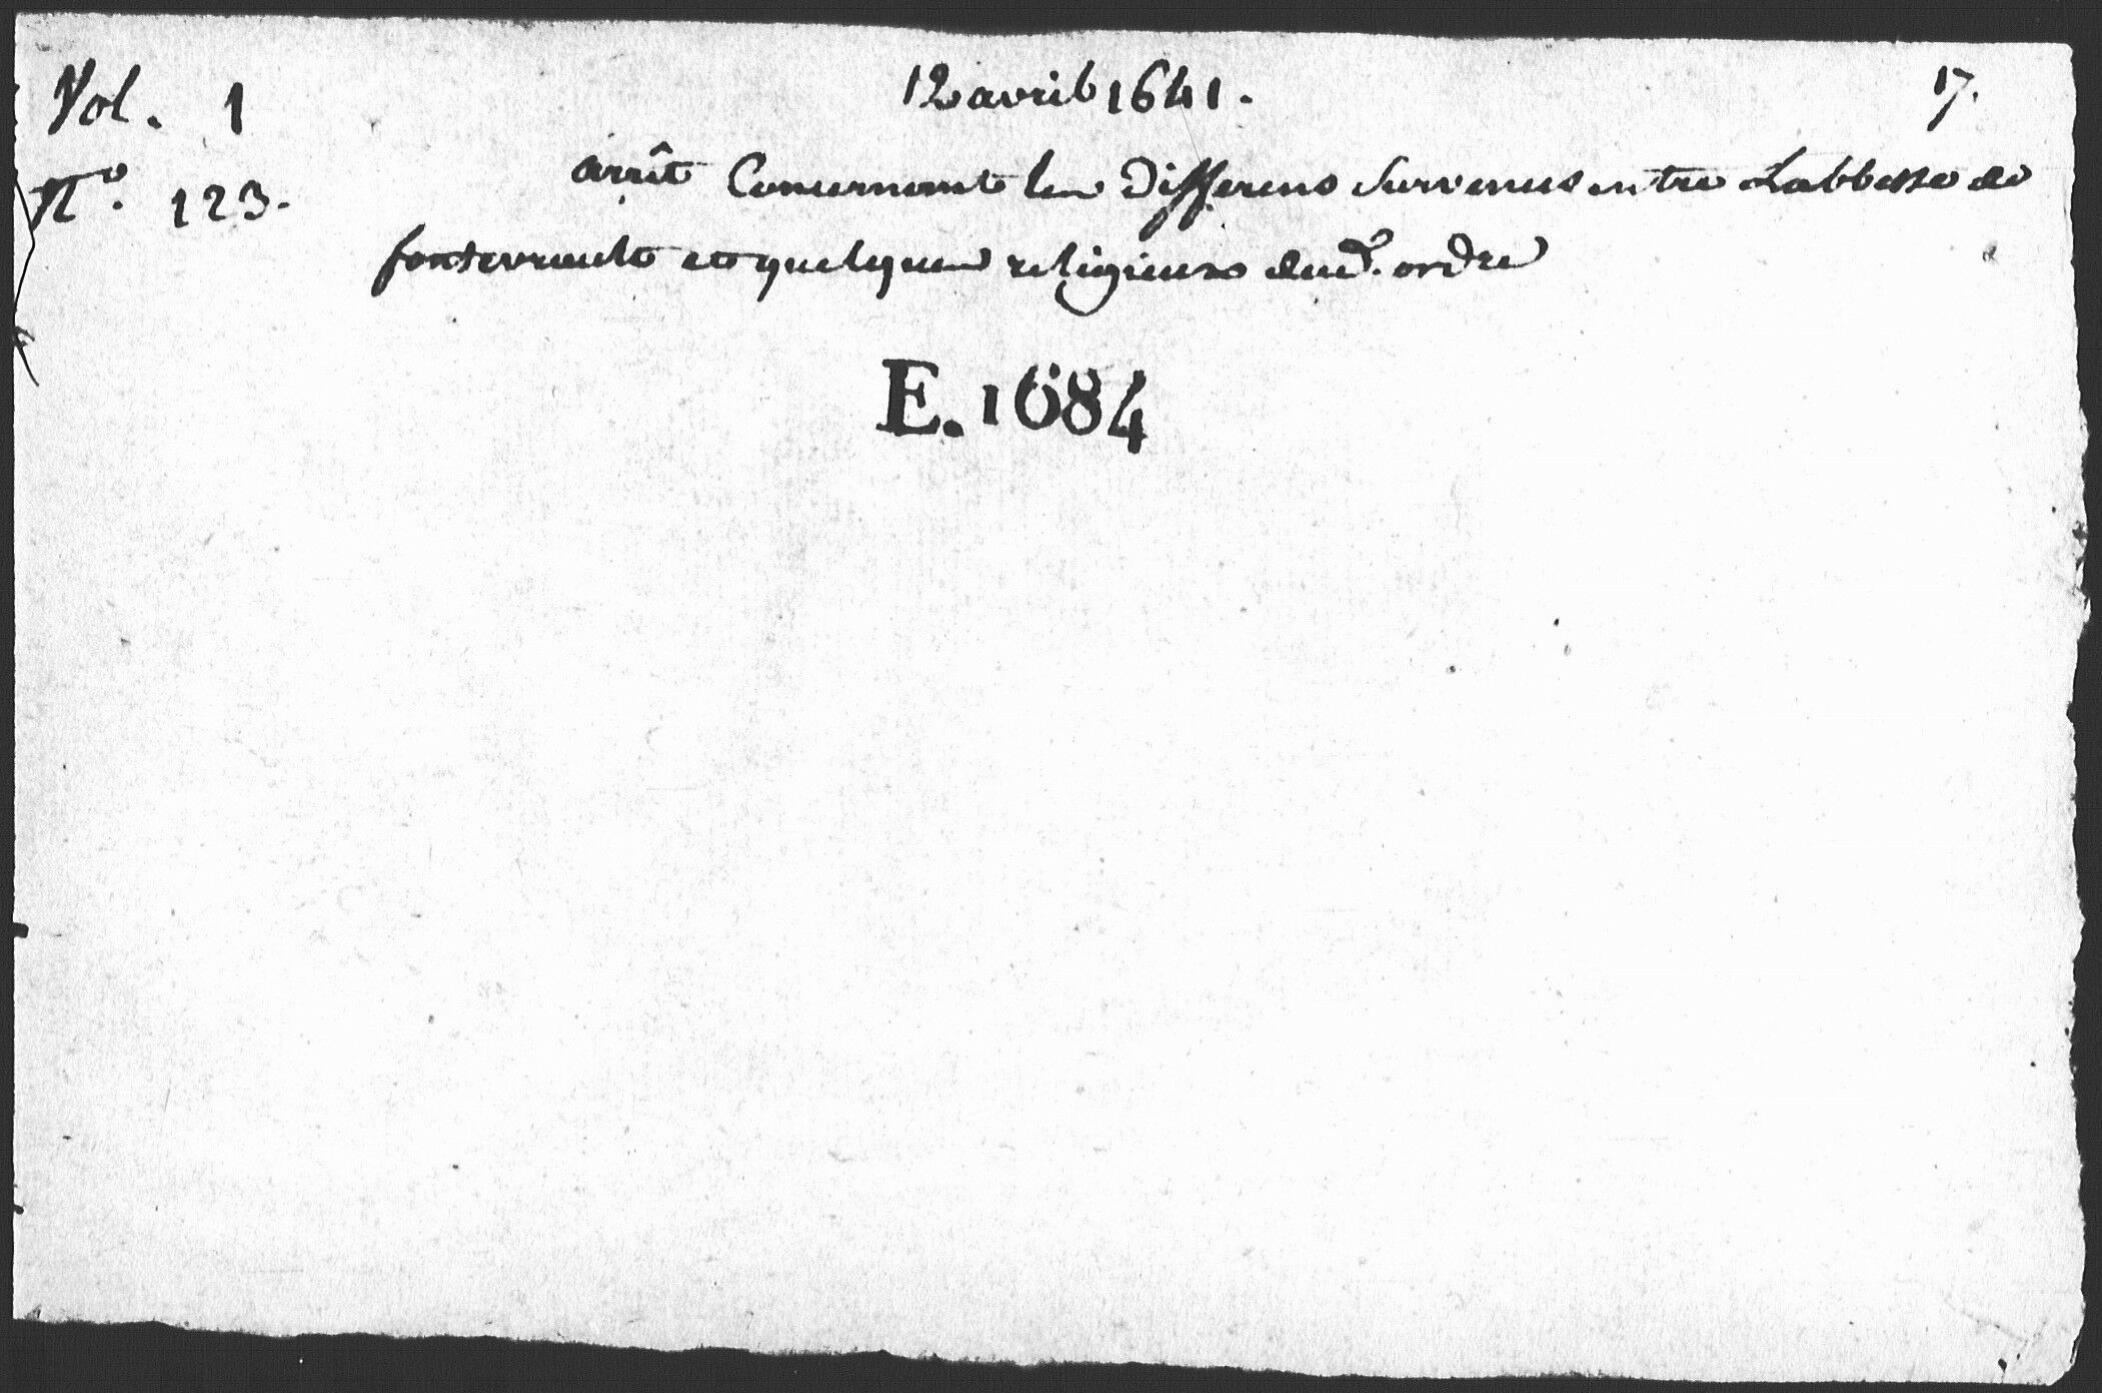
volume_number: n° 123
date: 12 avril 1641
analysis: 17
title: Arrêt concernant les differens survenus entre l'abbesse de Fontevrault et quelques religieux dudit ordre.
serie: E
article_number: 1684
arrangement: Volume 1
